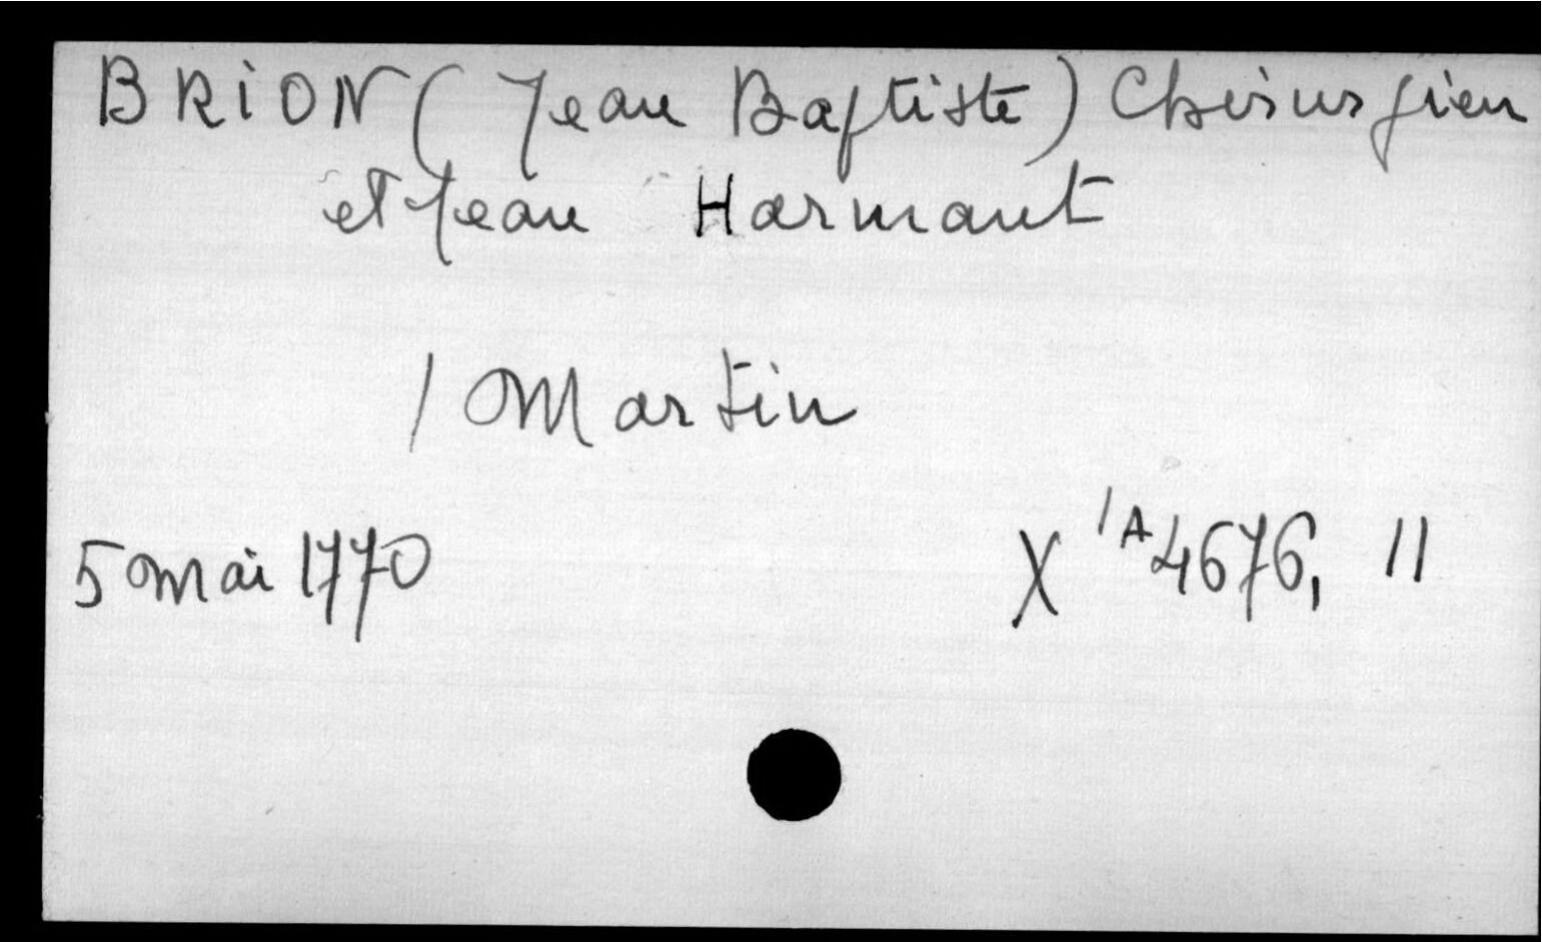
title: BRION (Jean Baptiste) Chirurgien et Jean Harmant
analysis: Contre Martin
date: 5 mai 1770
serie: X1A
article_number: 4676
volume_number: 11
